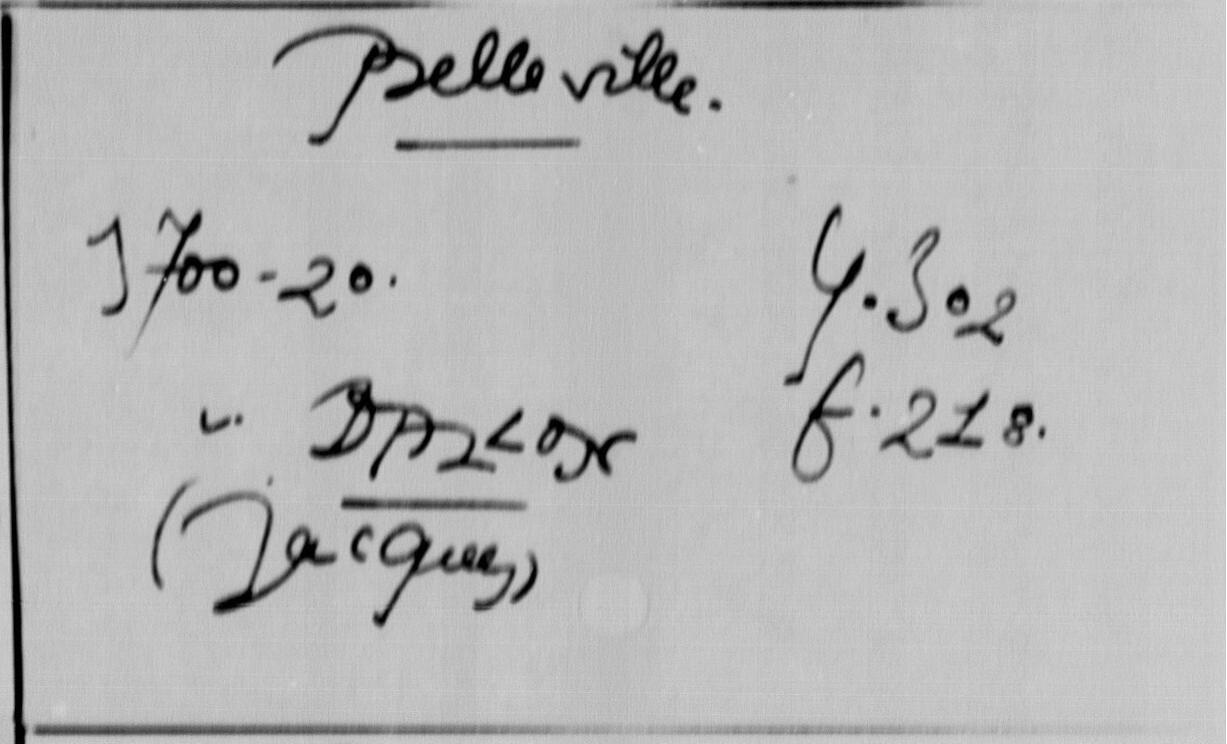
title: BELLEVILLE
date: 1700-1720
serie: Y
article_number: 302
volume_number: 218
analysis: Voir DALLON (Jacques)
